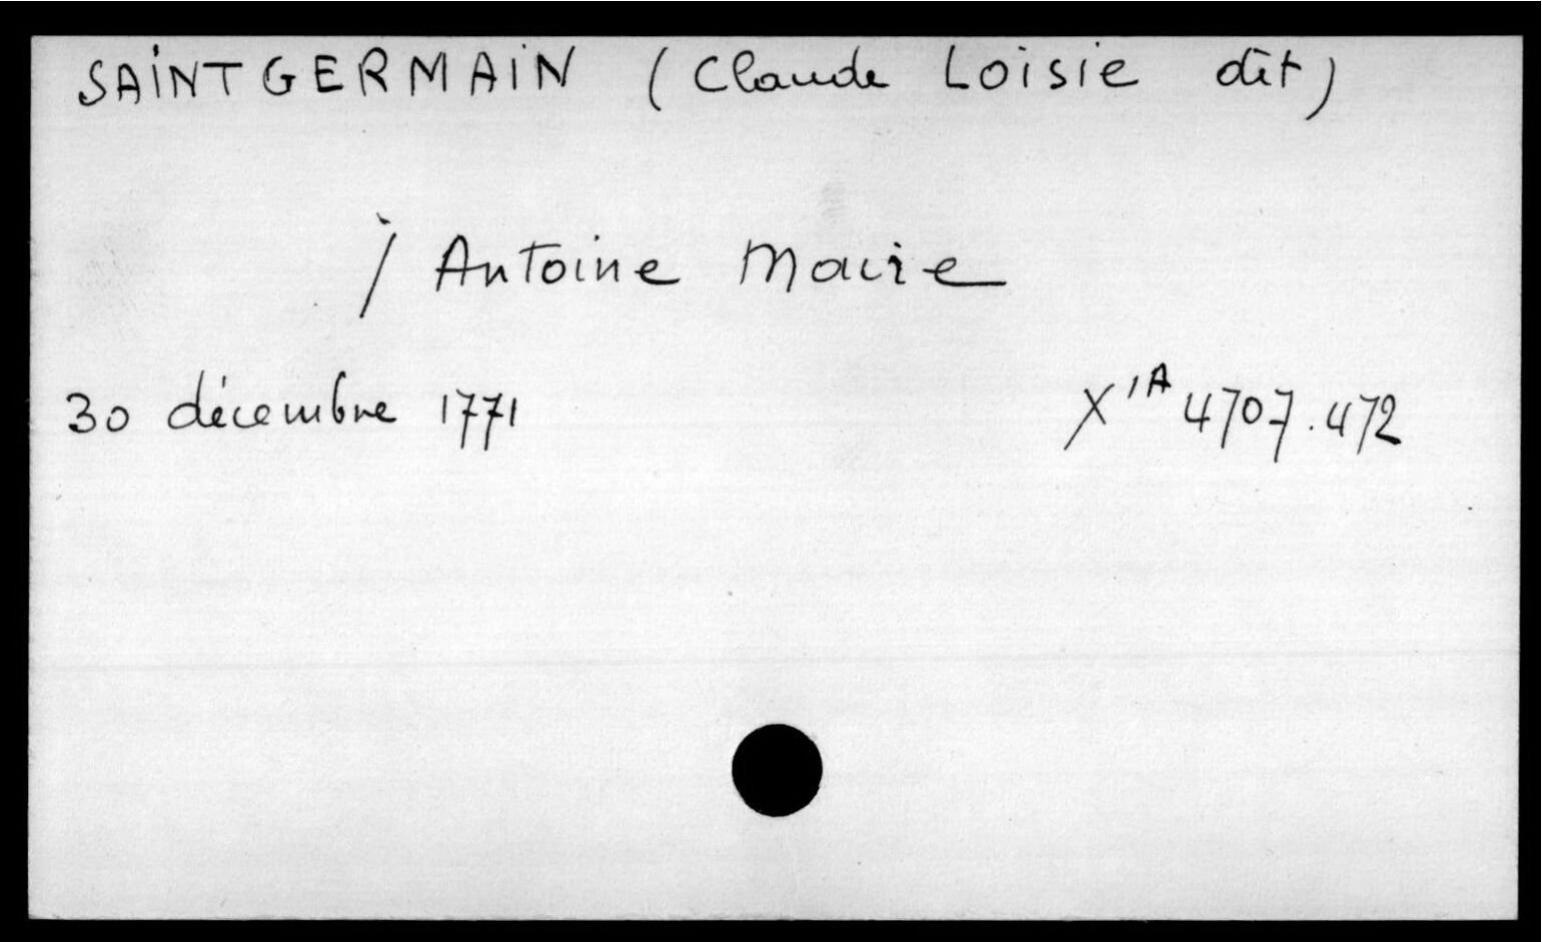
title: SAINT GERMAIN (Claude Loisie dit)
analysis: Contre Antoine Maire
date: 30 décembre 1771
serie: X1A
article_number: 4707
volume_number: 472
